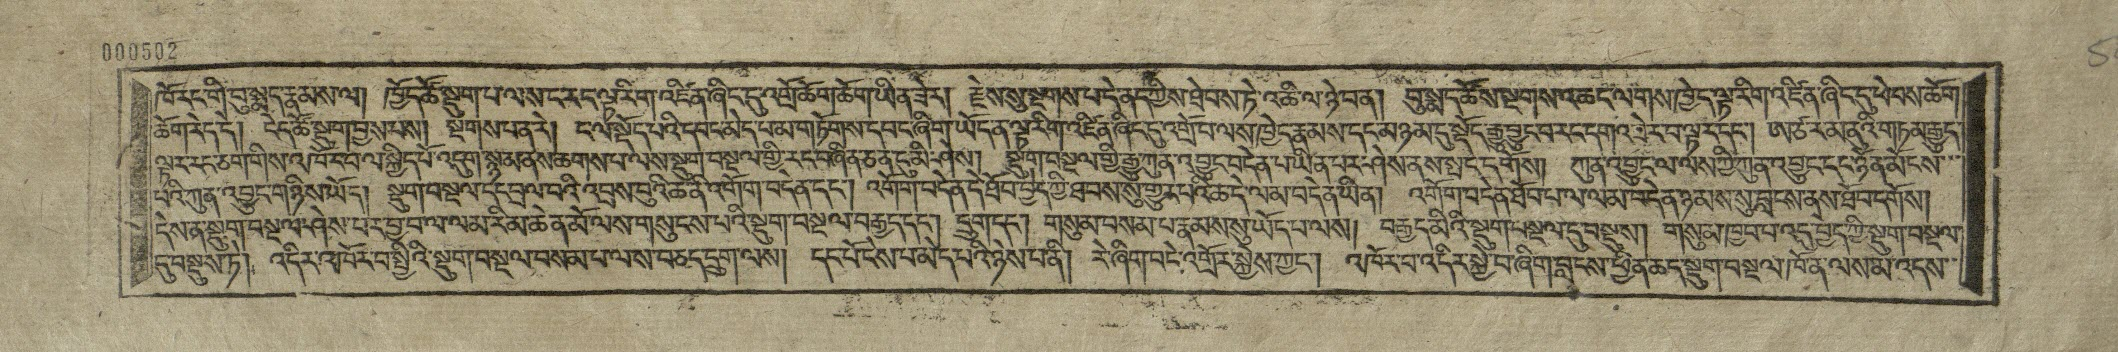ཁོ་རང་གི་བུ་སྨད་རྣམས་ལ། ཁྱོད་ཚོ་སྡུག་པ་ལས་ང་རང་ལྟ་རིག་འཛིན་ཞིང་དུ་འགྲོ་ཆོག་ཆོག་ཡིན་ཟེར། རྗེས་སུ་སྔགས་པ་དེ་ནད་ཀྱིས་ཐེབས་ཏེ་འཆི་ལ་ཉེ་བ་ན། བུ་སྨད་ཚོས་སྔགས་འཆང་ལགས་ཁྱེད་ལྟ་རིག་འཛིན་ཞིང་དུ་ཕེབས་ཆོག་
ཆོག་རེད་དེ། ངེད་ཚོ་སྡུག་བྱས་པས། སྔགས་པ་ན་རེ། ང་ལ་སྡོད་པའི་དབང་མེད་པ་མ་གཏོགས་དབང་ཞིག་ཡོད་ན་ལྟ་རིག་འཛིན་ཞིང་དུ་འགྲོ་བ་ལས་ཁྱེད་རྣམས་དང་མཉམ་དུ་སྡོད་རྒྱུ་བྱུང་བ་རང་དགའ་ཟེར་བ་ལྟར་དང་། ཨ་ཙ་ར་མ་ནུའི་གཏམ་རྒྱུད་
ལྟར་རང་ཅག་གིས་འཁོར་བ་ལ་སྐྱིད་པོ་འདུག་སྙམ་ནས་ཆགས་པ་ལས་སྡུག་བསྔལ་གྱི་རང་བཞིན་ཅན་དུ་མི་ཤེས། སྡུག་བསྔལ་གྱི་རྒྱུ་ཀུན་འབྱུང་བདེན་པ་ཡིན་པར་ཤེས་ནས་སྤང་དགོས། ཀུན་འབྱུང་ལ་ལས་ཀྱི་ཀུན་འབྱུང་དང་ཉོན་མོངས་
པའི་ཀུན་འབྱུང་གཉིས་ཡོད། སྡུག་བསྔལ་དང་བྲལ་བའི་འབྲས་བུའི་ཆ་ནི་འགོག་བདེན་དང་། འགོག་བདེན་དེ་ཐོབ་བྱེད་ཀྱི་ཐབས་སུ་གྱུར་པའི་ཆ་དེ་ལམ་བདེན་ཡིན། འགོག་བདེན་ཐོབ་པ་ལ་ལམ་བདེན་ཉམས་སུ་བླངས་ནས་ཐོབ་དགོས།
དེས་ན་སྡུག་བསྔལ་ཤེས་པར་བྱ་བ་ལ་ལམ་རིམ་ཆེན་མོ་ལས་གསུངས་པའི་སྡུག་བསྔལ་བརྒྱད་དང་། དྲུག་དང་། གསུམ་བསམ་པ་རྣམས་སུ་ཡོད་པ་ལས། བརྒྱད་མིའི་སྡུག་བསྔལ་དུ་བསྡུས། གསུམ་ཁྱབ་པ་འདུ་བྱེད་ཀྱི་སྡུག་བསྔལ་
དུ་བསྡུས་ཏེ། འདིར་འཁོར་བ་སྤྱིའི་སྡུག་བསྔལ་བསམ་པ་ལ་ས་བཅད་དྲུག་ལས། དང་པོ་ངེས་པ་མེད་པའི་ཉེས་པ་ནི། རེ་ཞིག་བདེ་འགྲོར་སྐྱེས་ཀྱང་། འཁོར་བ་འདིར་སྐྱེ་བ་ཞིག་བླངས་ཕྱིན་ཆད་སྡུག་བསྔལ་ཁོ་ན་ལས་མ་འདས་